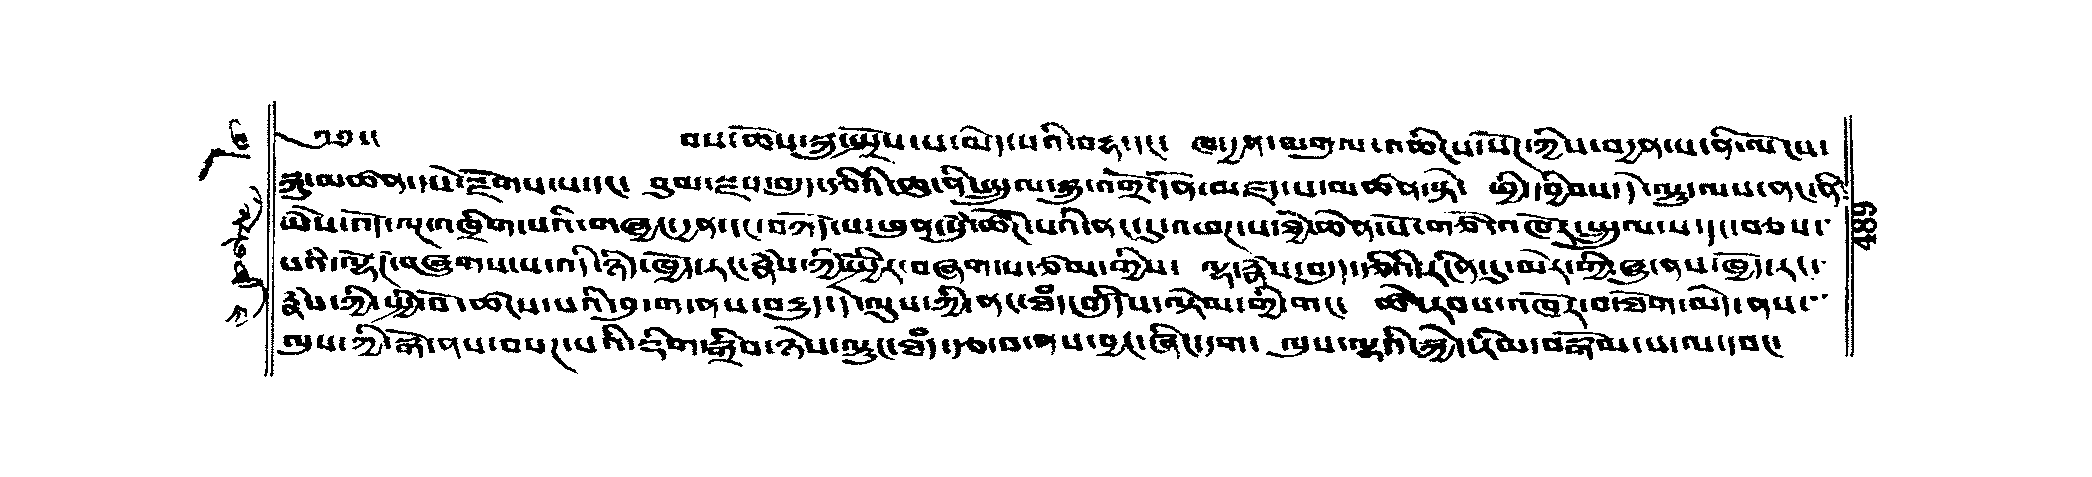བས་ཆོས་སྐུ་སྤྲོས་པ་མེད་པའི་བརྡ་དང་། ཁ་རྒྱན་མགུལ་འཆིངས་སོགས་ཀྱིས་བརྒྱན་པ་ནི་ལོངས་
སྐུ་མཚན་དཔེ་རྫོགས་པ་དང་། བུམ་རྫས་བདུད་རྩིའི་ཆུ་ནི་སྤྲུལ་སྐུ་འགྲོ་དོན་མཛད་པ་མཚན་སྟེ། ཕྱི་དབྱིབས་དེ་ལྟ་བུ་ལས་ནང་ནི་
ཡེ་ཤེས་འོད་ལྔ་འཁྲིག་པའི་གཞུང་རྒྱན་དང་བཀོད་པ་ཕུན་སུམ་ཚོགས་པའི་ནང་དུ་འཕགས་པ་ཐུགས་རྗེ་ཆེན་པོ་གཙོ་འཁོར་སྤྲུལ་པ་དང་བཅས་
པའི་ལྷ་ཚོགས་བཞུགས་པ་འདི་ཉིད་ཁྱོད་རང་རྣམས་ཀྱི་སྤྱི་བོར་བཞག་པ་ཙམ་གྱིས། ལྷ་རྣམས་བདུད་རྩིའི་རང་བཞིན་དུ་མེར་གྱི་ཞུ་ནས་ཁྱོད་རང་
རྣམས་ཀྱི་སྤྱི་བོ་ཚངས་པའི་བུ་ག་ནས་བརྒྱུད་དེ་ལུས་ཀྱི་ནང་དུ་ཐམས་ཅད་བདུད་རྩིས་ལྟེམ་གྱིས་གང་། ཚེ་རབས་འཁོར་བ་ཐོག་མེད་ནས་
ལུས་ཀྱི་སྒོ་ནས་བསགས་པའི་སྡིག་སྒྲིབ་ཉེས་ལྟུང་ཐམས་ཅད་རྩ་བ་ནས་བྱང་ཞིང་དག་ལུས་ལྷའི་སྐྱེད་རིམ་བསྒོམ་པ་ལ་དབང་